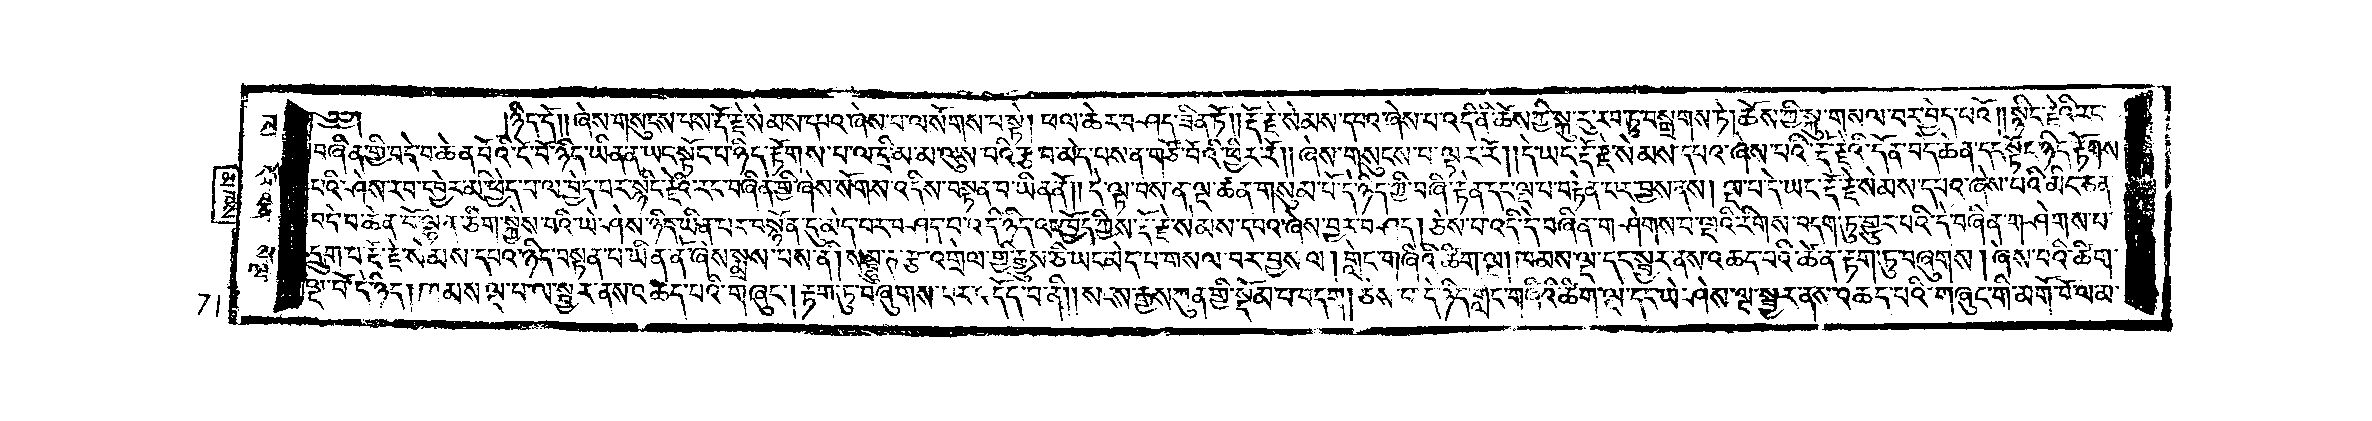༄༅། །ཉིད་དོ། །ཞེས་གསུངས་པས་རྡོ་རྗེ་སེམས་དཔའ་ཞེས་པ་ལ་སོགས་པ་སྟེ། ཕལ་ཆེར་བཤད་ཟིན་ཏོ། །རྡོ་རྗེ་སེམས་དཔའ་ཞེས་པ་འདི་ནི་ཆོས་ཀྱི་སྐུ་རུ་རབ་ཏུ་བསྒྲགས་ཏེ། ཆོས་ཀྱི་སྐུ་གསལ་བར་བྱེད་པའོ། །སྙིང་རྗེའི་རང་
བཞིན་གྱི་བདེ་བ་ཆེན་པོའི་ངོ་བོ་ཉིད་ཡིན་ན་ཡང་སྟོང་པ་ཉིད་རྟོགས་པ་ལ་དྲི་མ་མ་ལུས་པའི་རྩ་བ་མེད་པས་ན་གཙོ་བོའི་ཕྱིར་རོ། །ཞེས་གསུངས་པ་ལྟར་རོ། །དེ་ཡང་རྡོ་རྗེ་སེམས་དཔའ་ཞེས་པའི་རྡོ་རྗེའི་དོན་བདེ་ཆེན་དང་སྟོང་ཉིད་རྟོགས་
པའི་ཤེས་རབ་དབྱེར་མི་ཕྱེད་པ་ལ་བྱེད་པར་སྙིང་རྗེའི་རང་བཞིན་གྱི་ཞེས་སོགས་འདིས་བསྟན་པ་ཡིན་ནོ། །དེ་ལྟ་བས་ན་ལྔ་ཚན་གསུམ་པོ་དེ་ཉིད་ཀྱི་བཞི་རྟེན་དང་ལྔ་པ་བརྟེན་པར་བྱས་ནས། ལྔ་པ་དེ་ཡང་རྡོ་རྗེ་སེམས་དཔའ་ཞེས་པའི་མིང་ཅན་
བདེ་བ་ཆེན་པོ་ལྷན་ཅིག་སྐྱེས་པའི་ཡེ་ཤེས་ཉིད་ཡིན་པར་བསྙོན་དུ་མེད་པར་བཤད་པ་འདི་ཉིད་ལ་ཁྱོད་ཀྱིས་རྡོ་རྗེ་སེམས་དཔའ་ཞེས་བྱར་བཤད། ཅེས་པ་འདི་དེ་བཞིན་གཤེགས་པ་ལྔའི་རིགས་བདག་ཏུ་གྱུར་བའི་དེ་བཞིན་གཤེགས་པ་
དྲུག་པ་རྡོ་རྗེ་སེམས་དཔའ་ཉིད་བསྟན་པ་ཡིན་ནོ་ཞེས་སྨྲས་པས་ནི། སམྦྷུ་ཊ་རྩ་འགྲེལ་གྱི་རྒྱུས་ཅི་ཡང་མེད་པ་གསལ་བར་བྱས་ལ། གླེང་གཞིའི་ཚིག་ལྔ། ཁམས་ལྔ་དང་སྦྱར་ནས་འཆད་པའི་ཚེ་ན་རྟག་ཏུ་བཞུགས། ཞེས་པའི་ཚིག་
ལྔ་པོ་དེ་ཉིད། ཁམས་ལྔ་པ་ལ་སྦྱར་ནས་འཆད་པའི་གཞུང་། རྟག་ཏུ་བཞུགས་པར་འདོད་པ་ནི། །སངས་རྒྱས་ཀུན་གྱི་སྡོམ་པ་བདག །ཅེས་པ་དེ་ཉིད་གླེང་གཞིའི་ཚིག་ལྔ་དང་ཡེ་ཤེས་ལྔ་སྦྱར་ནས་འཆད་པའི་གཞུང་གི་མགོ་བོ་ལ་མ་